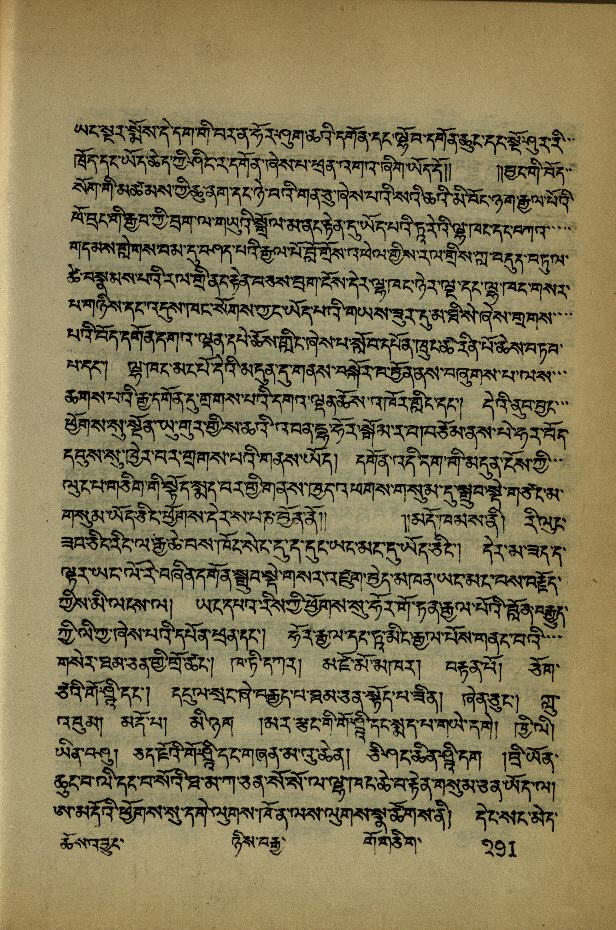ཡང་སྔར་སྨོས་དེ་དག་གི་བར་ན་ཧོར་ཤུག་ཆའི་དགོན་དང་ལྷོབ་དགོན་ཆུང་དང་སྔོ་ཤུར་རི་
ཁྲོད་དང་ཡོད་ཆེད་ཀྱི་ཤིང་ར་དགོན་ཞེས་པ་ཕྲན་འགའ་ཞིག་ཡོད་དོ།། །།བྱང་གི་བོད་
སོག་གི་མཚམས་ཀྱི་ཆུ་ནག་དང་ཉེ་བའི་གན་ཅུ་ཞེས་པའི་སའི་ཆའི་མི་བོང་ཉག་རྒྱལ་པོའི་
ཕོ་བྲང་གི་རྒྱབ་ཀྱི་བྲག་ལ་གཡུའི་སྒྲོལ་མ་ནང་རྟེན་དུ་ཡོད་པའི་ཏཱ་རེའི་ལྷ་ཁང་དང་བཀའ་
གདམས་གླེགས་བམ་དུ་བཤད་པའི་རྒྱལ་པོ་བློ་གྲོས་འཕེལ་གྱིས་རལ་གྲིས་ཀླ་བདུད་བཏུལ་
ཚེ་བསྣམས་པའི་རལ་གྲི་ནང་རྟེན་བཅས་བྲག་ངོས་དེར་ལྷ་ཁང་ཉེར་ལྔ་དང་ལྷ་ཁང་གསར་
པ་གཉིས་དང་འདུས་ཁང་སོགས་ཀྱང་ཡོད་པའི་གཡས་ཟུར་དུ་མ་ཐི་སེ་ཞེས་གྲགས་
པའི་བོད་དགོན་དགའ་ལྡན་དཔེ་ཆོས་གླིང་ཞེས་པ་སློབ་དཔོན་ཁྲུང་ཚ་རིན་པོ་ཆེས་བཏབ་
པ་དང་། ལྷ་ཁང་མང་པོ་དེའི་མདུན་དུ་གནས་བསྐོར་བ་བྱོན་ནས་བཞུགས་པ་ལས་
ཆགས་པའི་རྒྱ་དགོན་དུ་གྲགས་པའི་དགའ་ལྡན་ཆོས་འཁྲོ་གླིང་དང་། དེའི་ནུབ་བྱང་
ཕྱོགས་སུ་སྔོན་ཡུ་གུར་གྱི་ས་ཆའི་འབན་དྷ་ཧོར་སྒོམ་ར་བ། བཅོམ་ནས་པེ་ཧར་བོད་
དབུས་སུ་ཁྱེར་བར་གྲགས་པའི་གནས་ཡོད། དགོན་འདི་དག་གི་མདུན་ངོས་ཀྱི་
ལུང་པ་གཅིག་གི་སྟོད་སྨད་བར་གྱི་གནས་ཁྱད་འཕགས་གསུམ་དུ་སྒྲུབ་སྡེ་གཙང་མ་
གསུམ་ཡོད་ཅིང་ཕྱོགས་དེར་ས་པཎ་བྱོན་ནོ།། །།མདོ་ཁམས་ནི། རི་ལུང་
ཟབ་ཅིང་རིང་ལ་རྒྱ་ཆེ་བས་ཁོང་སེང་དུ་ད་དུང་ཡང་མང་དུ་ཡོད་ཅིང་། དེར་མ་ཟད་ད་
ལྟར་ཡང་ལོ་རེ་བཞིན་དགོན་སྒྲུབ་སྡེ་གསར་འཛུག་བྱེད་མཁན་ཡང་མང་བས་བརྗོད་
ཀྱིས་མི་ལངས་ལ། ཡང་དཔའ་རི་ས་ཀྱི་ཕྱོགས་སུ་ཧོར་གོ་ཏན་རྒྱལ་པོའི་བློན་བརྒྱུད་
ཀྱི་ལི་ཀྱ་ཞེས་པའི་དཔོན་ཕྲན་དང་། ཧོར་རྒྱལ་དང་ཏཱ་མིང་རྒྱལ་པོས་གནང་བའི་
གསེར་ཐམ་ཅན་གྱི་གྲོ་ཚང་། ཁ་ཏི་དཀར། མཛོ་མོ་མཁར། བརྟན་པོ། ཅོག་
ཙའི་གོ་ཤྲཱི་དང་། དངུལ་སྲང་ཞེ་བརྒྱད་པ་ཐམ་ཅན་སྟོད་པ་ཟིན། ཞེན་ཅུང་། ཀླུ་
འབུམ། མདོ་པ། མི་ཉག །མར་རྩང་གི་གོ་ཤྲཱི་དང་སྨད་པ་གཡེ་དགེ། ཁྱི་ལི།
ཡིན་བཤུ། ཅད་ཇོའི་གོ་ཤྲཱི་དང་གཞན་མ་འུ་ཆེན། ཅི་ཤང་ཆིན་ཤྲཱི་དག །བྲི་ཡོན་
ཆུང་བ་ལི་དང་བ་སོའི་ཐ་མ་ཀ་ཅན་སོ་སོ་ལ་ལྷ་ཁང་ཆེ་བརྟེན་གསུམ་ཅན་ཡོད་ལ།
ཨ་མདོའི་ཕྱོགས་སུ་དགེ་ལུགས་ཁོ་ན་ལས་ལུགས་སྣ་ཚོགས་ནི། དེང་སང་མེ་